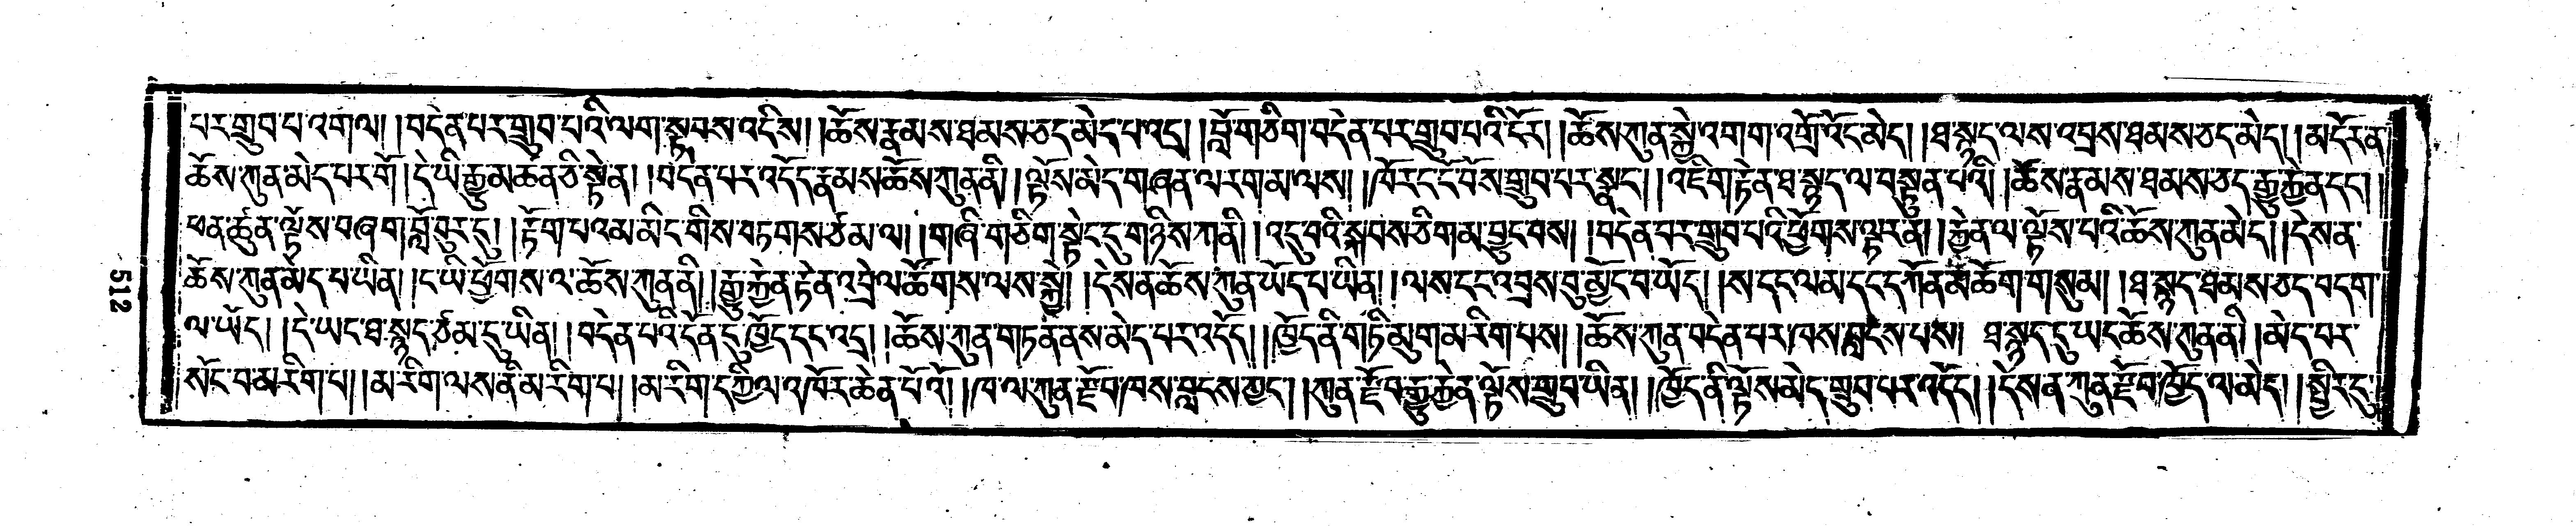པར་གྲུབ་པ་འགལ། །བདེན་པར་གྲུབ་པའི་ལག་སྟབས་འདིས། །ཆོས་རྣམས་ཐམས་ཅད་མེད་པ་འདྲ། །བློ་གཅིག་བདེན་པར་གྲུབ་པའི་ངོར། །ཆོས་ཀུན་སྐྱེ་འགག་འགྲོ་འོང་མེད། །ཐ་སྙད་ལས་འབྲས་ཐམས་ཅད་མེད། །མདོར་ན་
ཆོས་ཀུན་མེད་པར་གོ །དེ་ཡི་རྒྱུ་མཚན་ཅི་སྟེ། །བདེན་པར་འདོད་རྣམས་ཆོས་ཀུན་ནི། །ལྟོས་མེད་གཞན་ལ་རག་མ་ལས། །ཁོ་རང་ངོ་བོས་གྲུབ་པར་སྣང་། །འཇིག་རྟེན་ཐ་སྙད་ལ་བསྟུན་པའི། །ཆོས་རྣམས་ཐམས་ཅད་རྒྱུ་རྐྱེན་དང།།
ཕན་ཚུལ་ལྟོས་བཞག་བློ་བུར་དུ། །རྟོག་པའམ་མིང་གིས་བཏགས་ཙམ་ལ། །གཞི་གཅིག་སྟེ་དུ་གཉིས་ཀ་ནི། །འདུ་བའི་སྐབས་ཅིག་མ་བྱུང་བས། །བདེན་པར་གྲུབ་པའི་ཕྱོགས་ལྟར་ནི། །རྐྱེན་ལ་ལྟོས་པའི་ཆོས་ཀུན་མེད། །དེས་ན་
ཆོས་ཀུན་མེད་པ་ཡིན། །ང་ཡི་ཕྱོགས་ལ་ཆོས་ཀུན་ནི། །རྒྱུ་རྐྱེན་རྟེན་འབྲེལ་ཚོགས་ལས་སྐྱེ། །དེས་ན་ཆོས་ཀུན་ཡོད་པ་ཡིན། །ལས་དང་འབྲས་བུ་མྱོང་བ་ཡོད། །ས་དང་ལམ་དང་དཀོན་མཆོག་གསུམ། །ཐ་སྙད་ཐམས་ཅད་བདག་
ལ་ཡོད། །དེ་ཡང་ཐ་སྙད་ཙམ་དུ་ཡིན། །བདེན་པའི་དོན་དུ་ཁྱོད་དང་འདྲ། །ཆོས་ཀུན་བསྟན་ནས་མེད་པར་འདོད། །ཁྱོད་ནི་གཏི་མུག་མ་རིག་པས། །ཆོས་ཀུན་བདེན་པར་ཁས་བླངས་པས། །ཐ་སྙད་དུ་ཡང་ཆོས་ཀུན་ནི། །མེད་པར་
སོང་བ་མ་རིག་པ། །མ་རིག་ལས་ནི་མ་རིག་པ། །མ་རིག་དཀྱིལ་འཁོར་ཆེན་པོའོ། །ཁ་ལ་ཀུན་རྫུབ་ཁས་བླངས་ཀྱང་། །ཀུན་རྫོབ་རྒྱུ་རྐྱེན་ལྟོས་གྲུབ་ཡིན། །ཁྱོད་ནི་ལྟོས་མེད་གྲུབ་པར་འདོད། །དེས་ན་ཀུན་རྫོབ་ཁྱོད་ལ་མེད། །སྤྱིར་དུ་